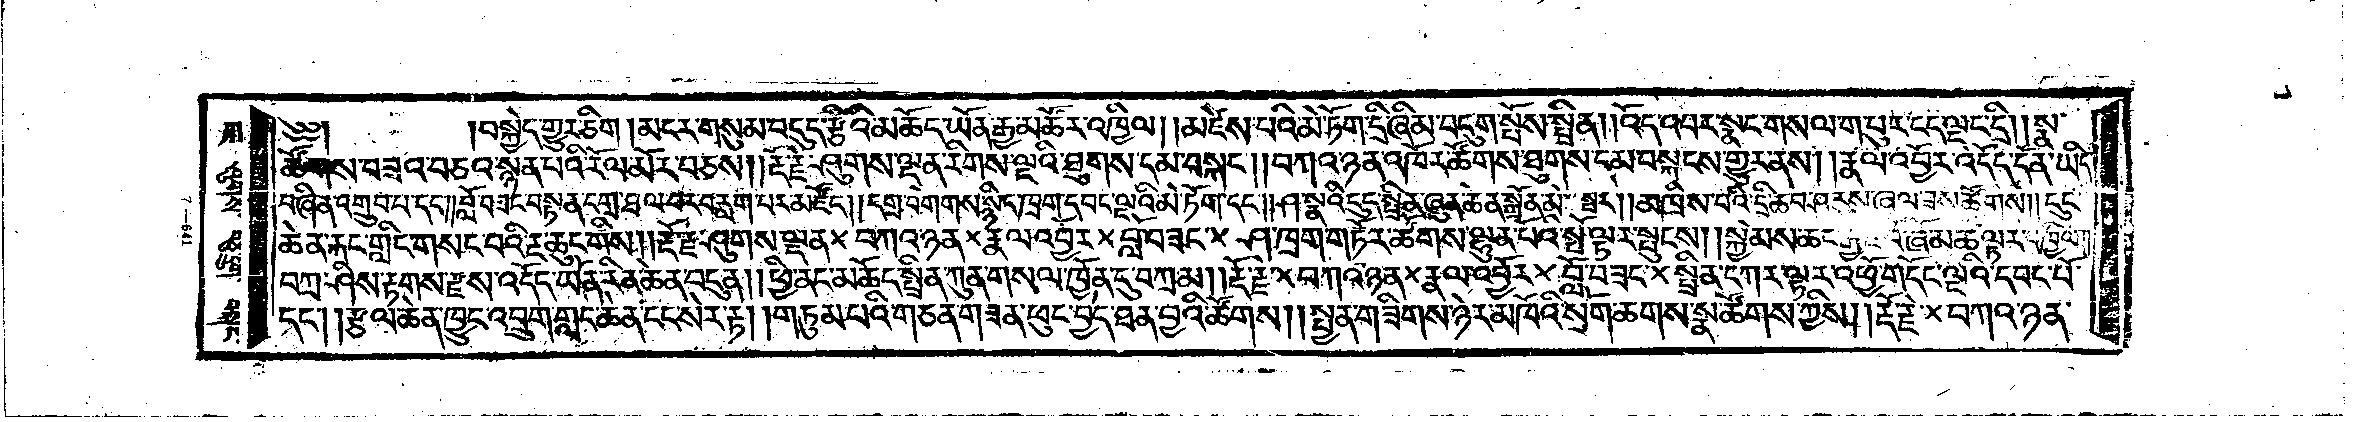༄༅། །བསྐྱེད་གྱུར་ཅིག །མངར་གསུམ་བདུད་རྩིའི་མཆོད་ཡོན་རྒྱ་མཚོར་འཁྱིལ། །མཛེས་པའི་མེ་ཏོག་དྲི་ཞིམ་བདུག་སྤོས་སྤྲིན། །འོད་འབར་སྣང་གསལ་ག་པུར་ངད་ལྡང་དྲི། །སྣ་
ཚོགས་བཟའ་བཅའ་སྙན་པའི་རོལ་མོར་བཅས། །རྡོ་རྗེ་ཤུགས་ལྡན་རིགས་ལྔའི་ཐུགས་དམ་བསྐང་། །བཀའ་ཉན་འཁོར་ཚོགས་ཐུགས་དམ་བསྐངས་གྱུར་ནས། །རྣལ་འབྱོར་འདོད་དོན་ཡིད་
བཞིན་འགྲུབ་པ་དང་། །བློ་བཟང་བསྟན་དགྲ་ཐལ་བར་བརླག་པར་མཛོད། །དགྲ་བགེགས་སྙིང་ཁྲག་དབང་ལྔའི་མེ་ཏོག་དང་། །ཤ་སྣའི་དུད་སྤྲིན་ཞུན་ཆེན་སྒྲོན་མེ་སྦར། །མཁྲིས་པའི་དྲི་ཆབ་ཤ་རུས་ཞལ་ཟས་ཚོགས། །དུང་
ཆེན་རྐང་གླིང་གསང་བའི་རྔ་ཆུང་གོས། །རྡོ་རྗེ་ཤུགས་ལྡན྾་བཀའ་ཉན྾་རྣལ་འབྱོར྾་བློ་བཟང྾་ཤ་ཁྲག་གཏོར་ཚོགས་ལྷུན་པོའི་སྤོ་ལྟར་སྤུངས། །སྐྱེམས་ཆང་རྒྱ་ཇ་འོ་ཞོ་མཚོ་ལྟར་འཁྱིལ།།
བཀྲ་ཤིས་རྟགས་རྫས་འདོད་ཡོན་རིན་ཆེན་བདུན། །ཕྱི་ནང་མཆོད་སྤྲིན་ཀུན་གསལ་ཁྱོན་དུ་བཀྲམ། །རྡོ་རྗེ྾་བཀའ་ཉན྾་རྣལ་འབྱོར྾་བློ་བཟང྾་སྤྲིན་དཀར་ལྟར་འཕྱོ་གདོང་ལྔའི་དབང་པོ་
དང་། །རྩལ་ཆེན་ཁྱུང་འབྲུག་གླང་ཆེན་ངང་སེར་རྟ། །གཏུམ་པའི་གཅན་གཟན་ཕུང་བྱེད་ཐན་བྱའི་ཚོགས། །སྤྱན་གཟིགས་ཉེར་མཁོའི་སྲོག་ཆགས་སྣ་ཚོགས་ཀྱིས། །རྡོ་རྗེ྾་བཀའ་ཉན་